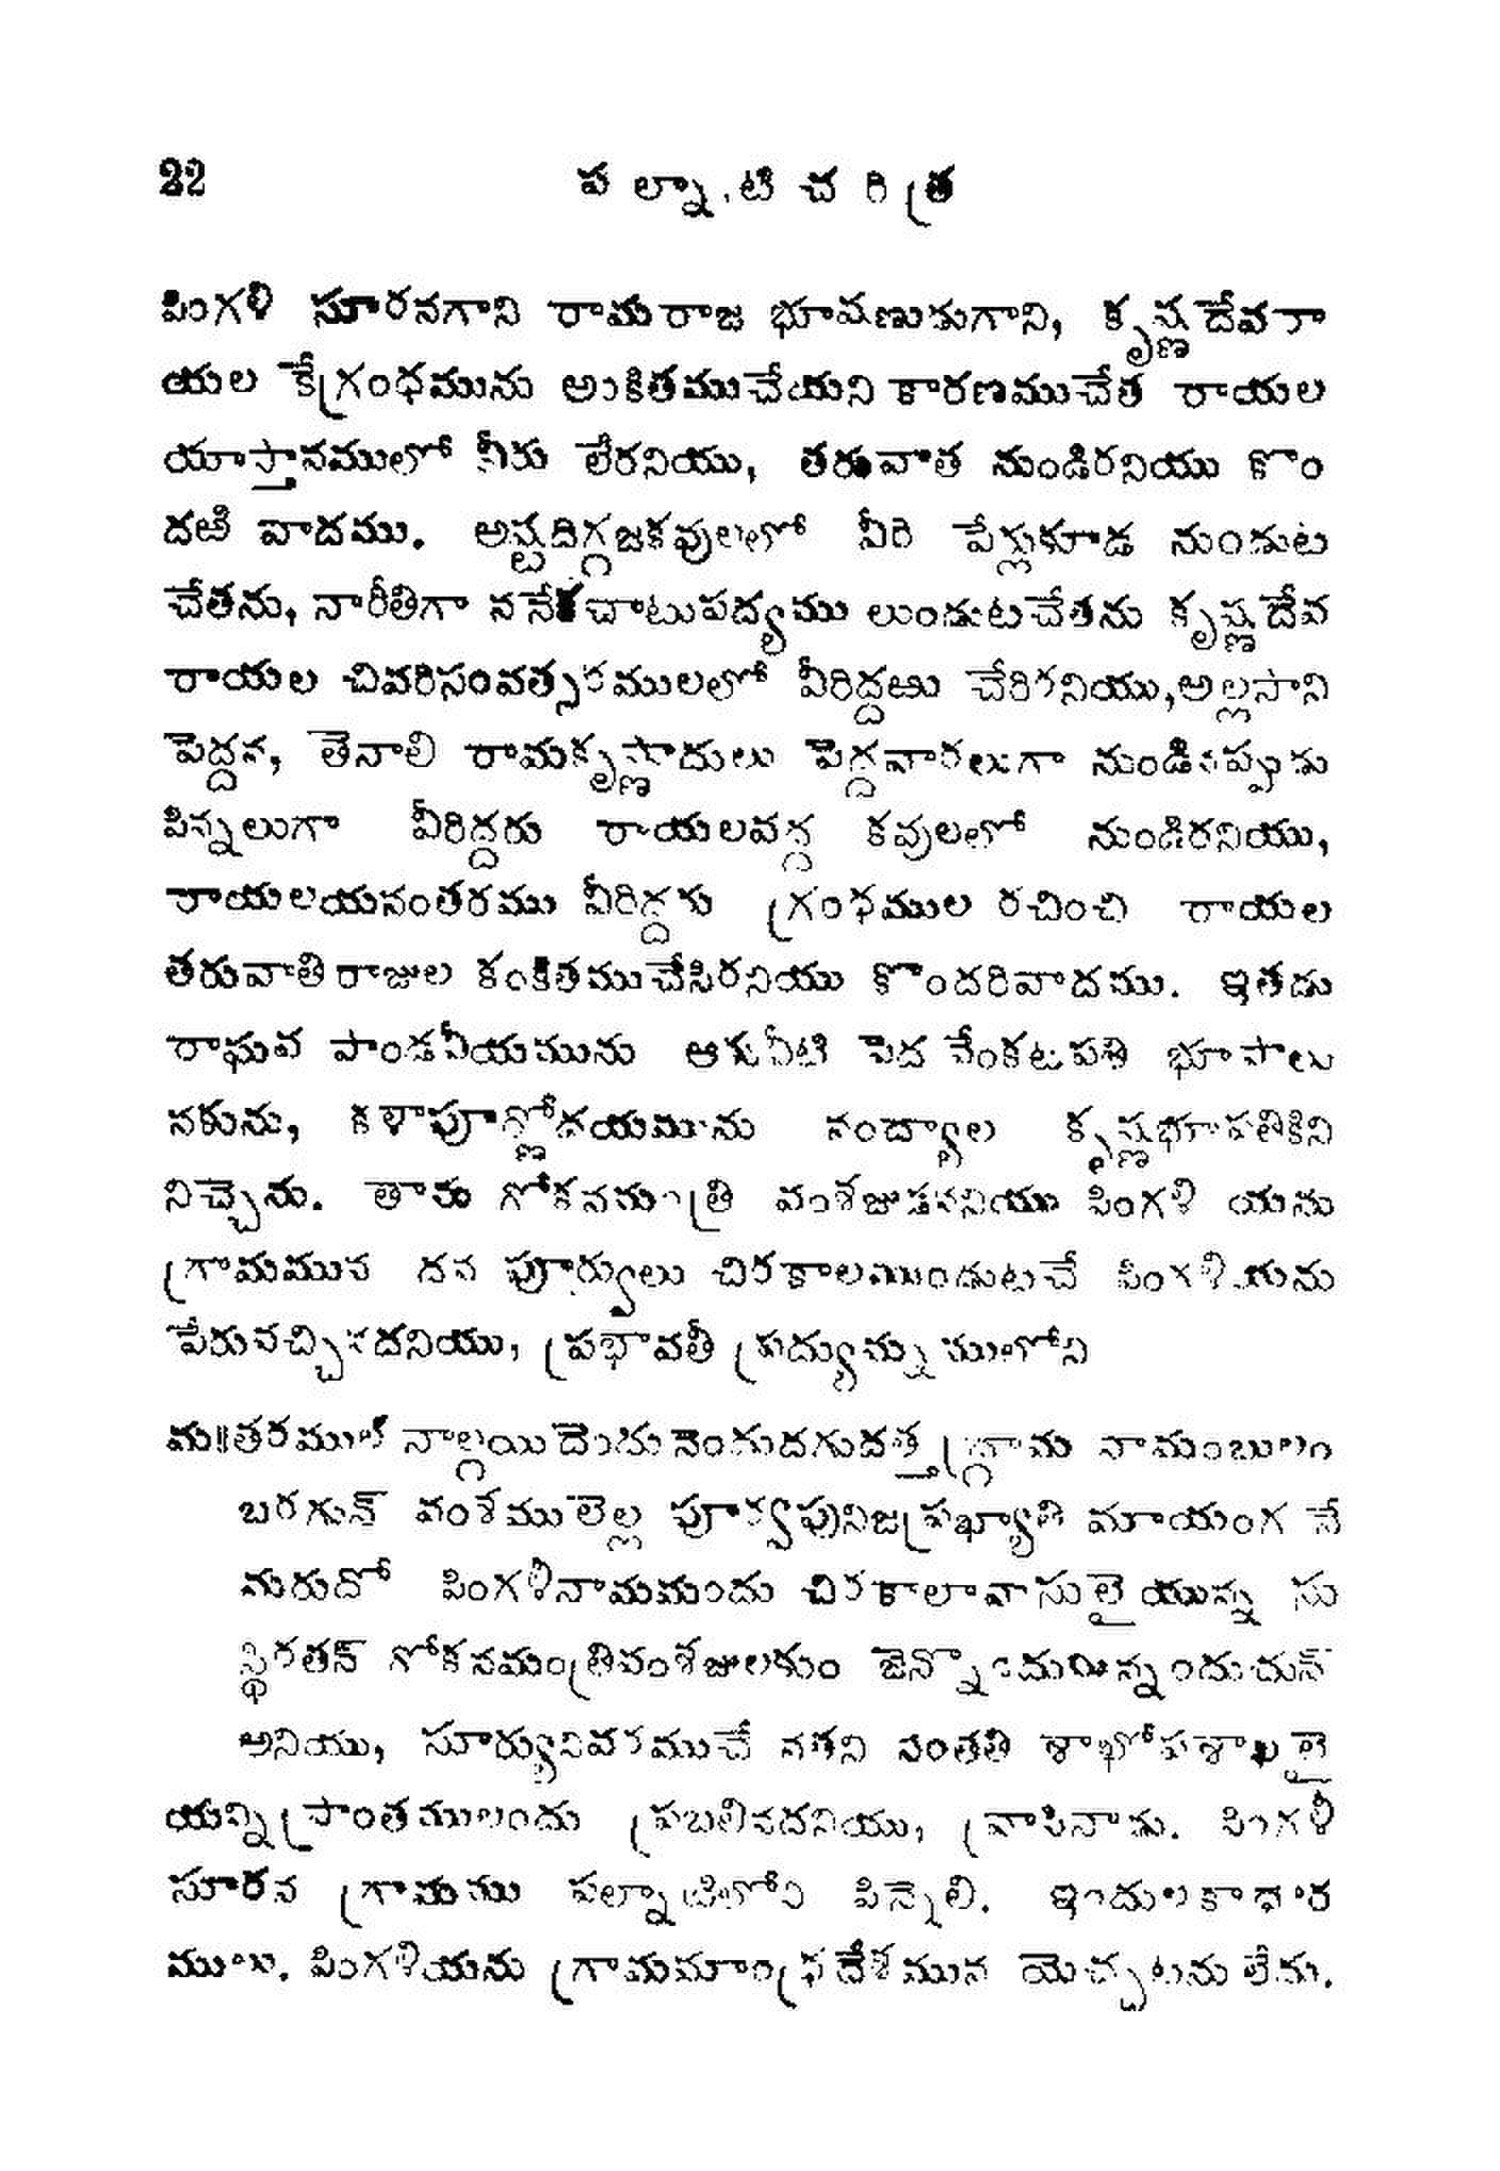పింగళి సూరనగాని రామరాజ భూషణుడుగాని, కృష్ణ దేవరాయల 
కేగ్రంధమును అంకితము చేయని కారణముచేత రాయల
యాస్తానములో వీరు లేరనియు, తరువాత నుండిరనియు 
కొందఱి వాదము, అష్టదిగ్గజకవులలో వీరి పేర్లుకూడ నుండుట
చేతను, నారీతిగా ననేక చాటుపద్యము లుండుటచేతను 
కృష్ణదేవరాయల చివరిసంవత్సరములలో వీరిద్దఱు చేరిరనియు, అల్లసాని
పెద్దన, తెనాలి రామకృష్ణాదులు పెద్దవారలుగా నుండినప్పుడు
పిన్నలుగా వీరిద్దరు రాయలవద్ద కవులలో నుండిరనియు,
రాయలయనంతరము వీరిద్దరు గ్రంధముల రచించి రాయల
తరువాతి రాజుల కంకితము చేసిరనియు కొందరివాదము. ఇతడు
రాఘవ పాండవీయమును ఆరువీటి పెద వేంకటపతి భూపాలునకును, 
కళాపూర్ణోదయమును నంద్యాల కృష్ణభూపతికిని నిచ్చెను. 
తాను గోకనమంత్రి వంశజుడననియు పింగళి యను
గ్రామమున దన పూర్వులు చిరకాలముండుటచే పింగళి యను
పేరువచ్చినదనియు, ప్రభావతీ ప్రద్యుమ్నములోని

మ. తరముల్ నాల్గయి దెందునెందు దగుదత్తద్గ్రామ నామంబులం
 బరగున్ వంశములెల్ల పూర్వపునిజప్రఖ్యాతి మాయంగ నే
 మరుదో పింగళినామముందు చిరకాలావాసులైయున్న సు
 స్థిరతన్ గోకనమంత్రివంశజులకుం జెన్నొందుమిన్నందుచున్
 
అనియు, సూర్యునివరముచే నతని సంతతి శాఖోపశాఖ లై
యన్ని ప్రాంతములందు ప్రబలినదనియు, వ్రాసినాడు. పింగళి
సూరన గ్రామము పల్నాటిలోని పిన్నెలి. ఇందులకాధార
ముళ, పింగళియను గ్రామమాంధ్రదేశమున యెచ్చటను లేదు.